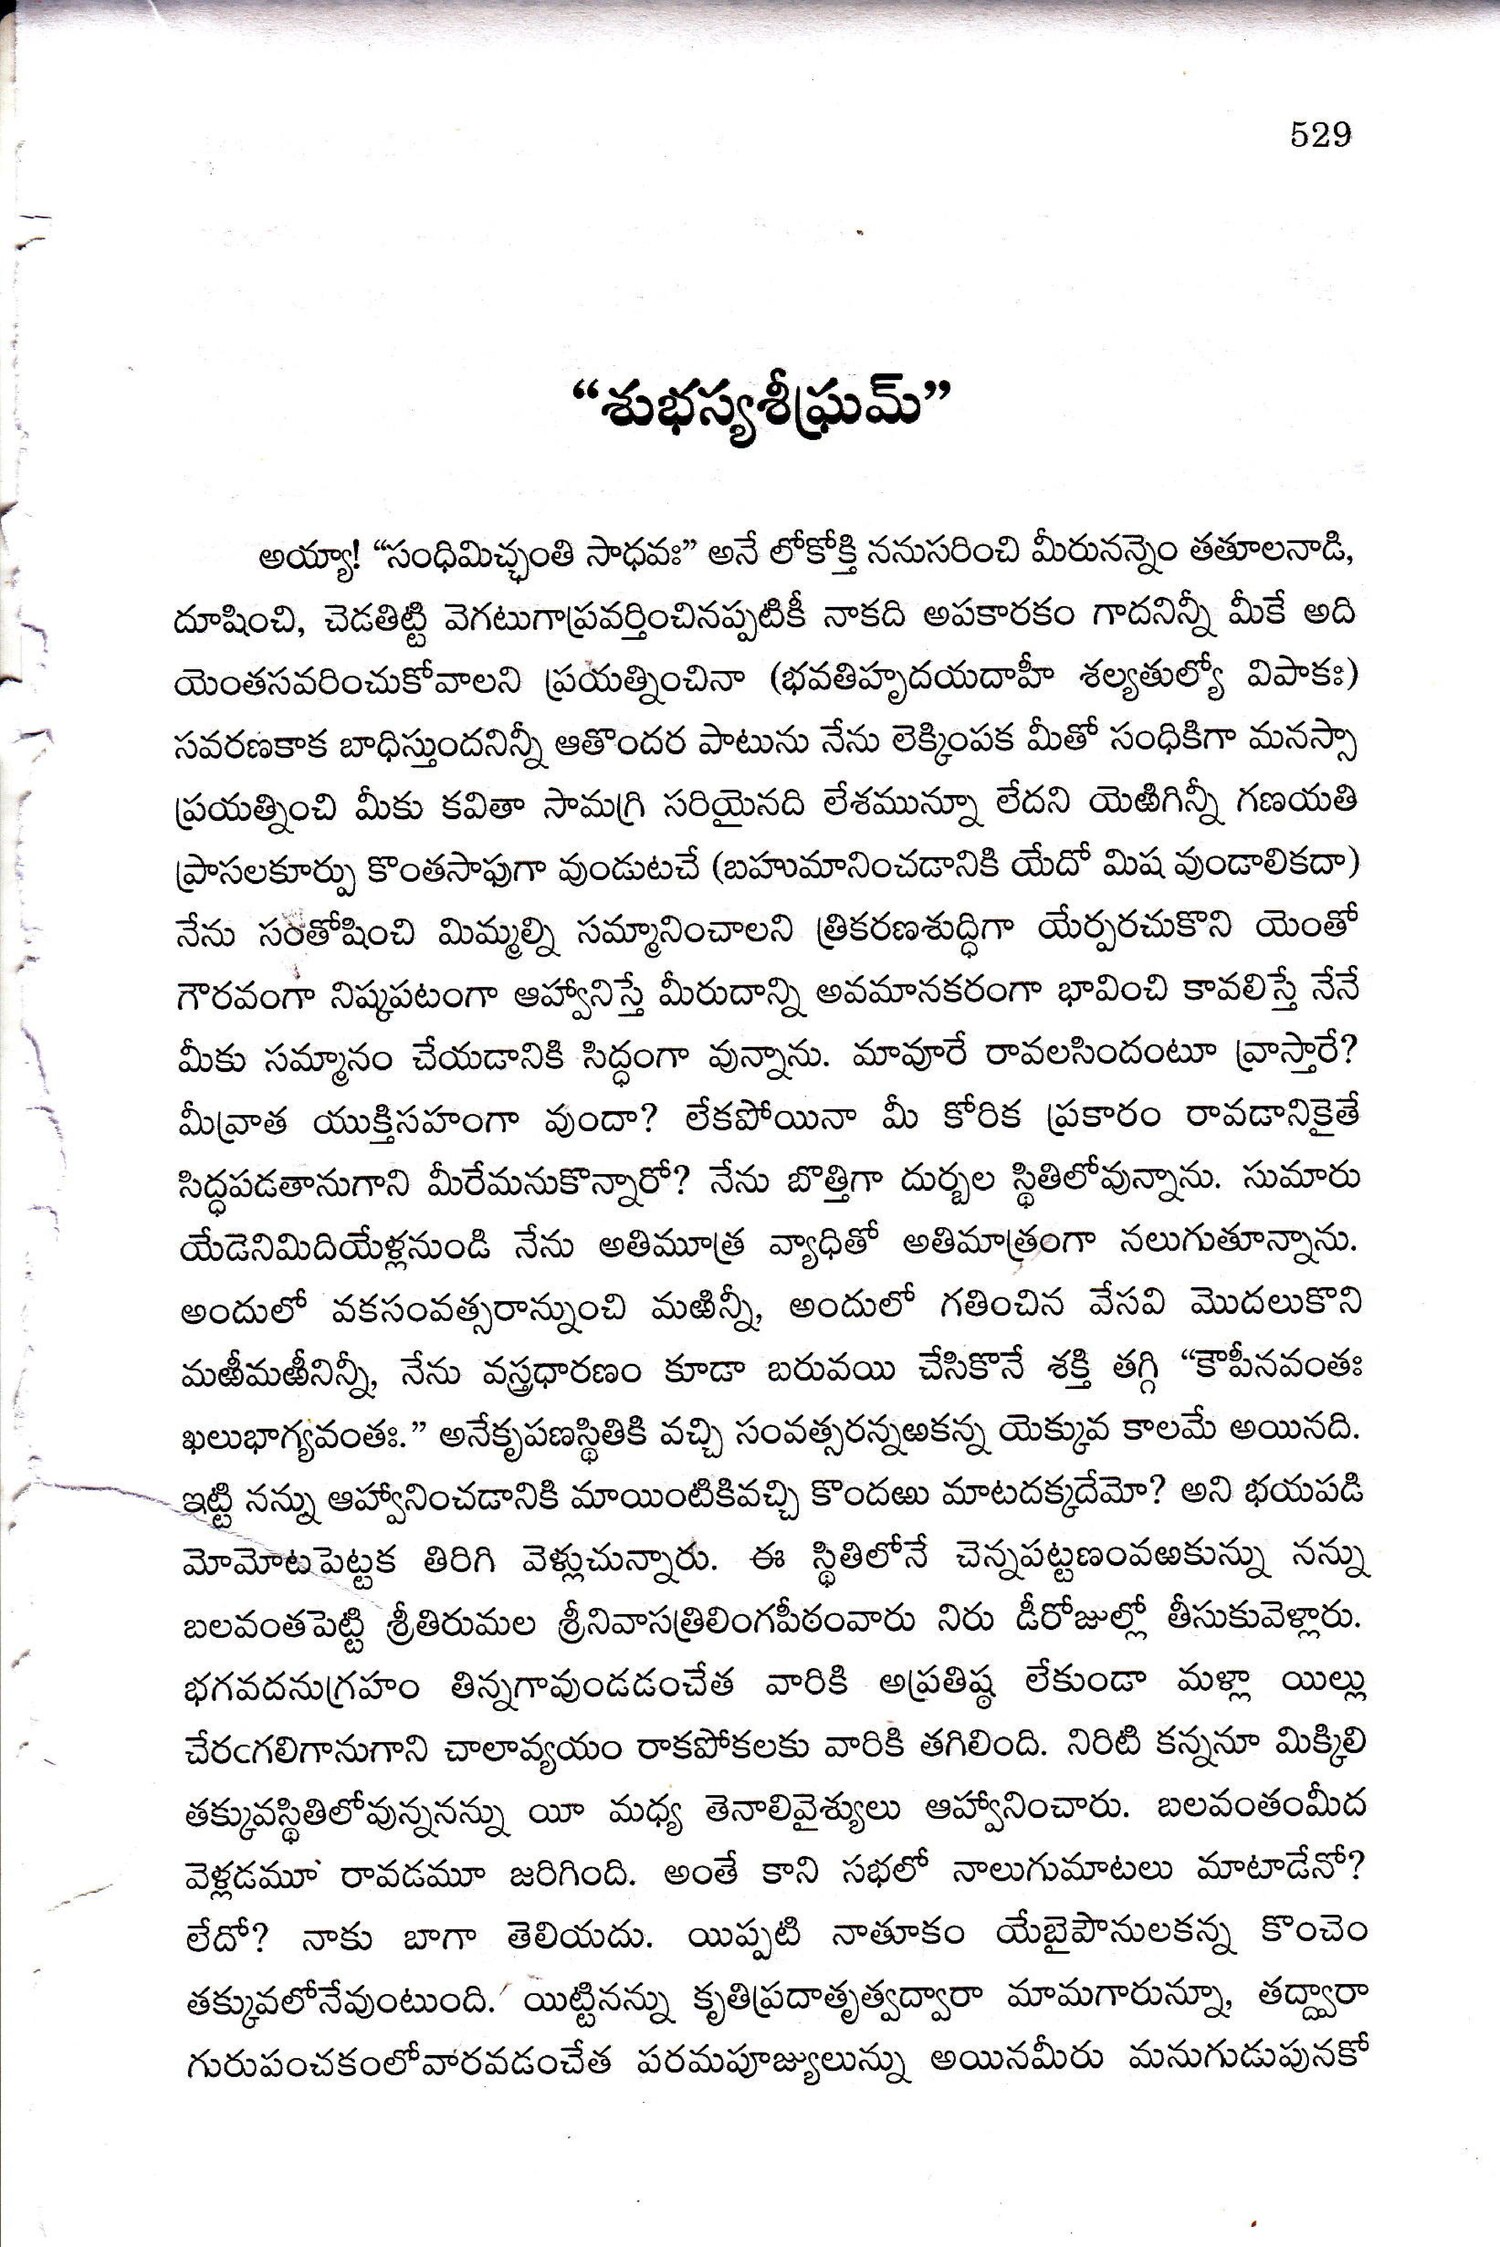“శుభస్యశీఘ్రమ్”

అయ్యా! "సంధిమిచ్చంతి సాధవః" అనే లోకోక్తి ననుసరించి మీరునన్నెం తతూలనాడి, దూషించి, చెడతిట్టి వెగటుగాప్రవర్తించినప్పటికీ నాకది అపకారకం గాదనిన్నీ మీకే అది యెంతసవరించుకోవాలని ప్రయత్నించినా (భవతిహృదయదాహీ శల్యతుల్యో విపాకః) సవరణకాక బాధిస్తుందనిన్నీ ఆతొందర పాటును నేను లెక్కింపక మీతో సంధికిగా మనస్సా ప్రయత్నించి మీకు కవితా సామగ్రి సరియైనది లేశమున్నూ లేదని యెఱిగిన్నీ గణయతి ప్రాసలకూర్పు కొంతసాఫుగా వుండుటచే (బహుమానించడానికి యేదో మిష వుండాలికదా) నేను సంతోషించి మిమ్మల్ని సమ్మానించాలని త్రికరణశుద్ధిగా యేర్పరచుకొని యెంతో గౌరవంగా నిష్కపటంగా ఆహ్వానిస్తే మీరుదాన్ని అవమానకరంగా భావించి కావలిస్తే నేనే మీకు సమ్మానం చేయడానికి సిద్ధంగా వున్నాను. మావూరే రావలసిందంటూ వ్రాస్తారే? మీ వ్రాత యుక్తిసహంగా వుందా? లేకపోయినా మీ కోరిక ప్రకారం రావడానికైతే సిద్ధపడతానుగాని మీరేమనుకొన్నారో? నేను బొత్తిగా దుర్బల స్థితిలోవున్నాను. సుమారు యేడెనిమిదియేళ్లనుండి నేను అతిమూత్ర వ్యాధితో అతిమాత్రంగా నలుగుతూన్నాను. అందులో వకసంవత్సరాన్నుంచి మఱిన్నీ అందులో గతించిన వేసవి మొదలుకొని మఱీమఱీనిన్నీ నేను వస్త్రధారణం కూడా బరువయి చేసికొనే శక్తి తగ్గి "కౌపీనవంతః ఖలుభాగ్యవంతః." అనేకృపణస్థితికి వచ్చి సంవత్సరన్నఱకన్న యెక్కువ కాలమే అయినది. ఇట్టి నన్ను ఆహ్వానించడానికి మాయింటికివచ్చి కొందఱు మాటదక్కదేమో? అని భయపడి మోమోటపెట్టక తిరిగి వెళ్లుచున్నారు. ఈ స్థితిలోనే చెన్నపట్టణంవఱకున్ను నన్ను బలవంతపెట్టి శ్రీతిరుమల శ్రీనివాసత్రిలింగపీఠంవారు నిరు డీరోజుల్లో తీసుకువెళ్లారు. భగవదనుగ్రహం తిన్నగావుండడంచేత వారికి అప్రతిష్ఠ లేకుండా మళ్లా యిల్లు చేరఁగలిగానుగాని చాలావ్యయం రాకపోకలకు వారికి తగిలింది. నిరిటి కన్ననూ మిక్కిలి తక్కువస్థితిలోవున్ననన్ను యీ మధ్య తెనాలివైశ్యులు ఆహ్వానించారు. బలవంతంమీద వెళ్లడమూ రావడమూ జరిగింది. అంతే కాని సభలో నాలుగుమాటలు మాటాడేనో? లేదో? నాకు బాగా తెలియదు. యిప్పటి నాతూకం యేబైపౌనులకన్న కొంచెం తక్కువలోనేవుంటుంది. యిట్టినన్ను కృతిప్రదాతృత్వద్వారా మామగారున్నూ, తద్ద్వారా గురుపంచకంలోవారవడంచేత పరమపూజ్యులున్ను అయినమీరు మనుగుడుపునకో